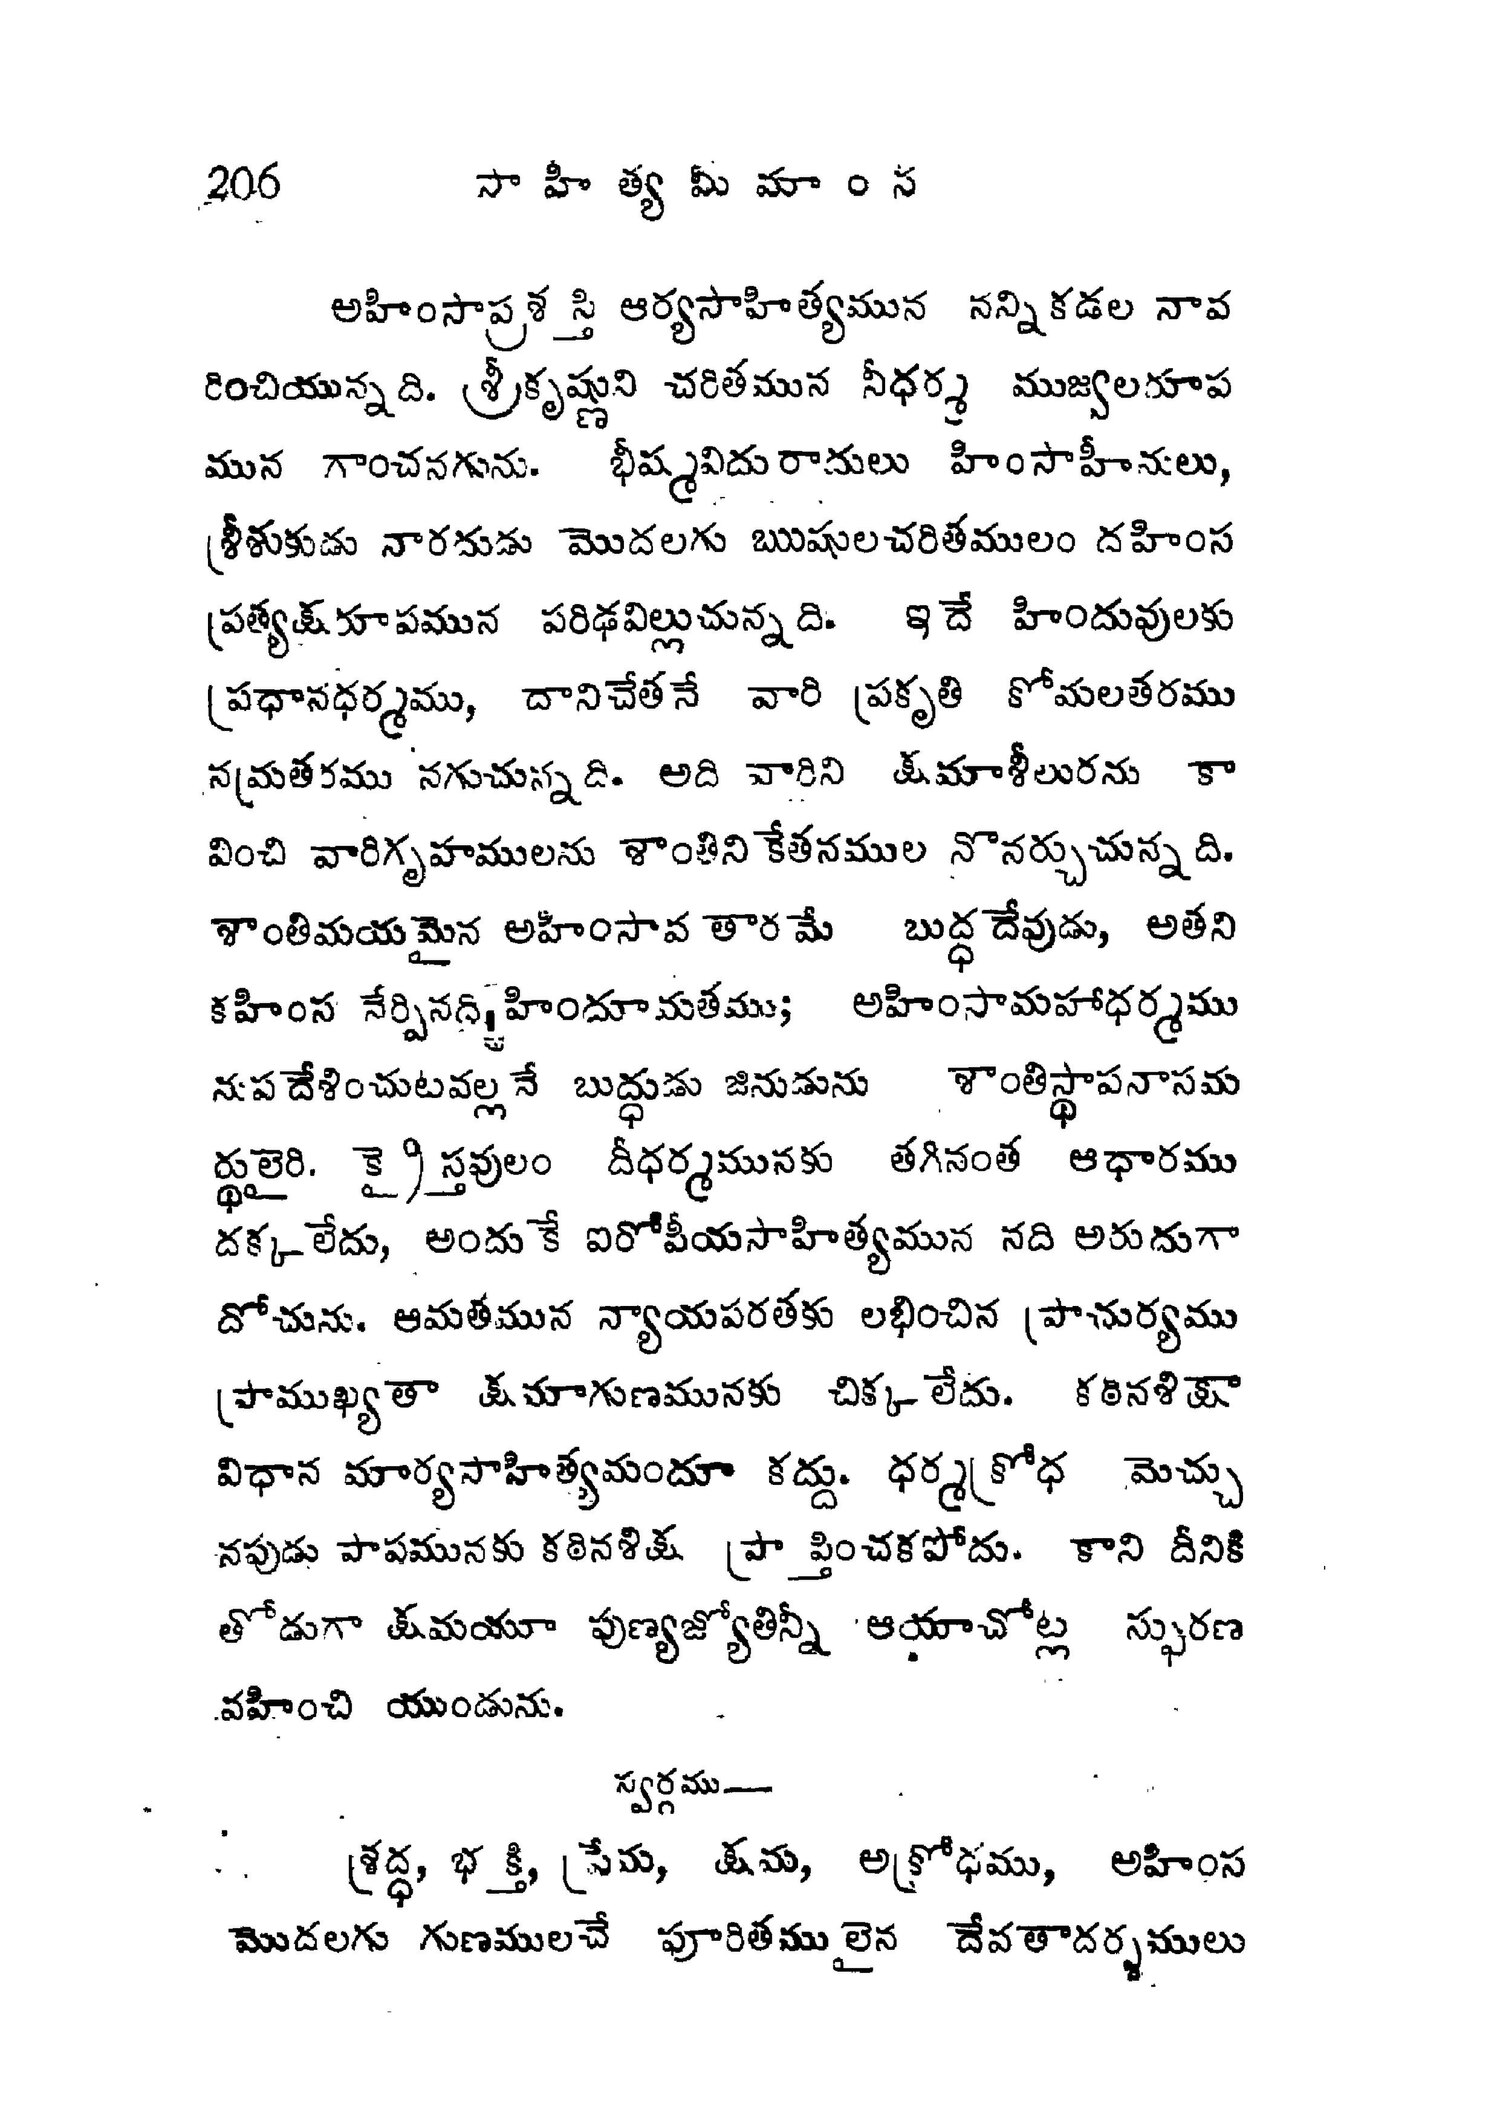అహింసాప్రశస్తి ఆర్యసాహిత్యమున నన్నికడల నావరించియున్నది. శ్రీకృష్ణుని చరితమున నీధర్మ ముజ్వలరూపమున గాంచనగును. భీష్మవిదురాదులు హింసాహీనులు, శ్రీశుకుడు నారదుడు మొదలగు ఋషులచరితములం దహింస ప్రత్యక్షరూపమున పరిఢవిల్లుచున్నది. ఇదే హిందువులకు ప్రధానధర్మము, దానిచేతనే వారి ప్రకృతి కోమలతరము నమ్రతరము నగుచున్నది. అది వారిని క్షమాశీలురను కావించి వారిగృహములను శాంతినికేతనముల నొనర్చుచున్నది. శాంతిమయమైన అహింసావతారమే బుద్ధదేవుడు, అతని కహింస నేర్పినది, హిందూమతము; అహింసామహాధర్మము నుపదేశించుటవల్లనే బుద్ధుడు జినుడును శాంతిస్థాపనాసమర్థులైరి. క్రైస్తవులం దీధర్మమునకు తగినంత ఆధారము దక్కలేదు, అందుకే ఐరోపీయసాహిత్యమున నది అరుదుగా దోచును. ఆమతమున న్యాయపరతకు లభించిన ప్రాచుర్యము ప్రాముఖ్యతా క్షమాగుణమునకు చిక్కలేదు. కఠినశిక్షా విధాన మార్యసాహిత్యమందూ కద్దు. ధర్మక్రోధ మెచ్చునపుడు పాపమునకు కఠినశిక్ష ప్రాప్తించకపోదు. కాని దీనికి తోడుగా క్షమయూ పుణ్యజ్యోతిన్నీ ఆయాచోట్ల స్ఫురణ వహించి యుండును.

శ్రద్ధ, భక్తి, ప్రేమ, క్షమ, అక్రోధము, అహింస మొదలగు గుణములచే పూరితములైన దేవతాదర్శములు